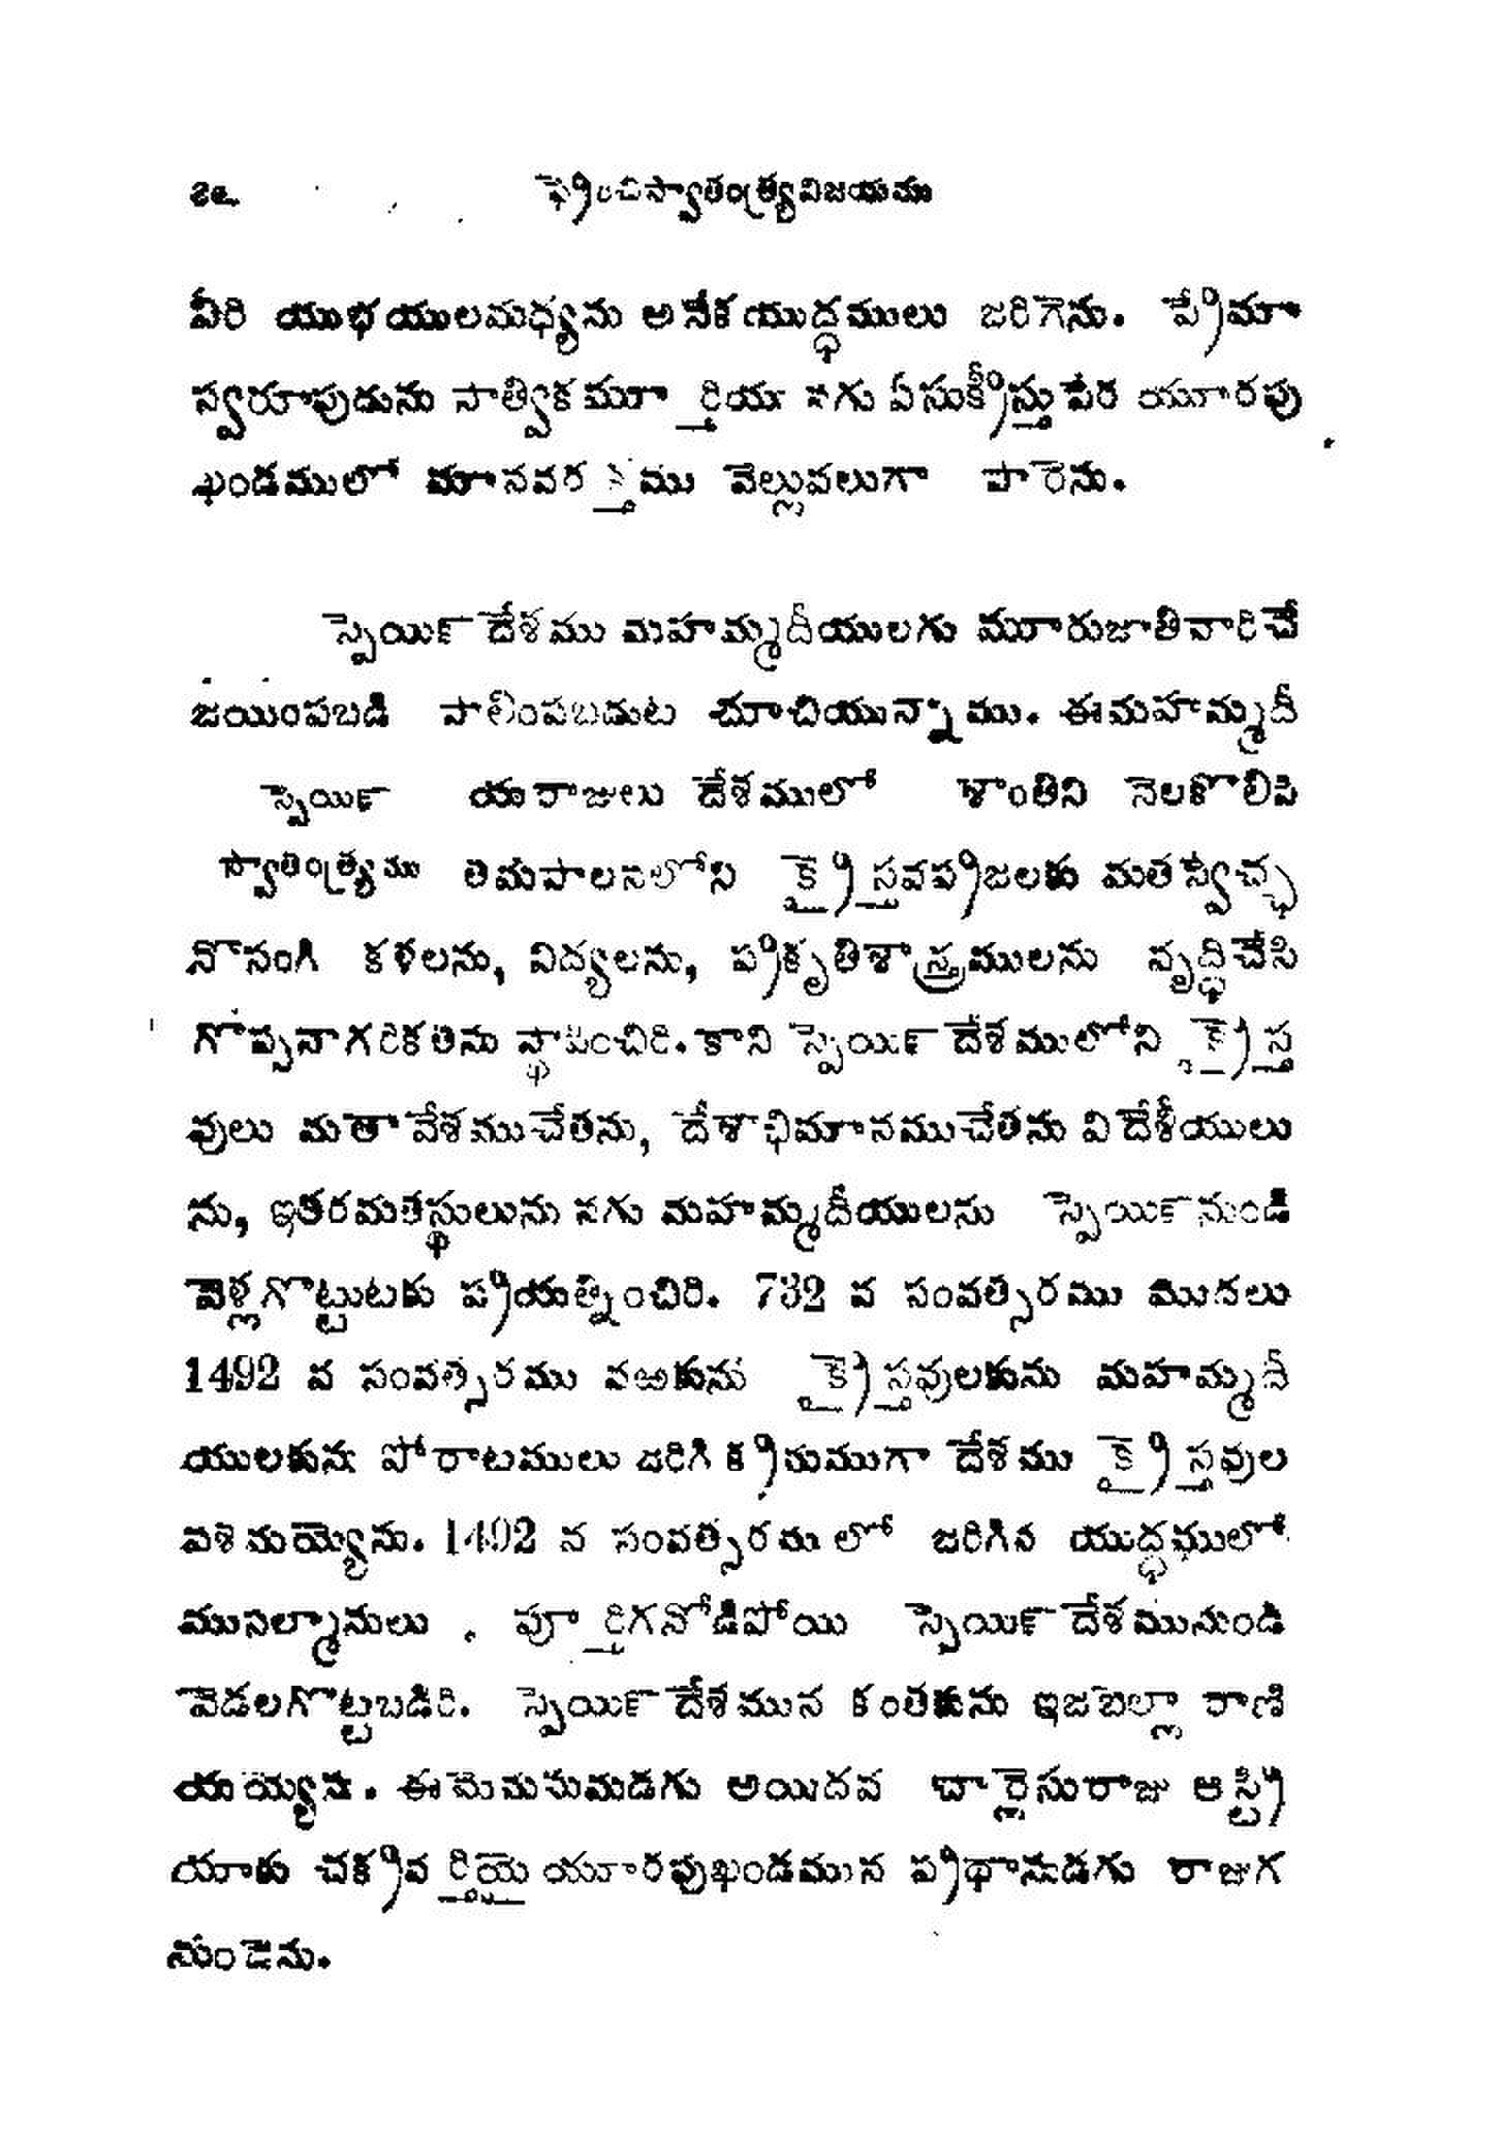వీరి యుభయుల మధ్యను అనేక యుద్ధములు జరిగెను. "ప్రేమా
స్వరూపుడును సాత్వికమూర్తి lయగు ఏసుక్రీస్తు పేర యూరపు
ఖండములో మానవరక్తము వెల్లువలుగా పారెసు.

స్పెయిన్ దేశము 
స్వాతంత్ర్యము

స్పైన్ దేశము మహ:మహమ్మ దీయులగు మూరుజాతి వారిచే
జయింపబడి పాలింపబడుట చూచియున్నాము. ఈ మహమ్మదీ
య రాజులు దేశములో శాంతిని నెలకొలిపి
తమ పాలనిలోని క్రైస్తవ ప్రజలకు మత స్వేచ్ఛ
నొసంగి కళలను, విద్యలను, ప్రకృతి శాస్త్రములను వృద్ధి చేసి
గొప్పనాగరికతను స్థాపించిరి. కాని స్పెయిన్ దేశములోని క్రస్త
వులు మతావేశము చేతను, దేశాభిమానము చేతను విదేశీయులు
ను, ఇతర మతస్థులును నగు మహమ్మదీయులను స్పెయిన్ నుండి
వెళ్లగొట్టుటకు ప్రయత్నించిరి. 732 వ సంవత్సరము మొదలు
1492 వ సంవత్సరము వఱకును క్రైస్తవులకును మహమ్మదీ
యులకును పోరాటములు జరిగి క్రమముగా దేశము క్రైస్తవుల
పశ మయ్యెను. 1402 వ సంవత్సరము లో జరిగిన యుద్ధములో
ముసల్మానులు . పూర్తిగనోడిపోయి స్పెయిన్ దేశమునుండి
వెడల గొట్టబడిరి. స్పెయిన్ దేశమున కంతకును ఇజబెల్లా రాణి
యయ్యను . ఈమె మనుమడగు అయిదవ చార్లెసు రాజు ఆస్ట్రీ
యాకు చక్రవర్తియై యూరపుఖండమున ప్రథానుడగు రాజుగ నుండెను.